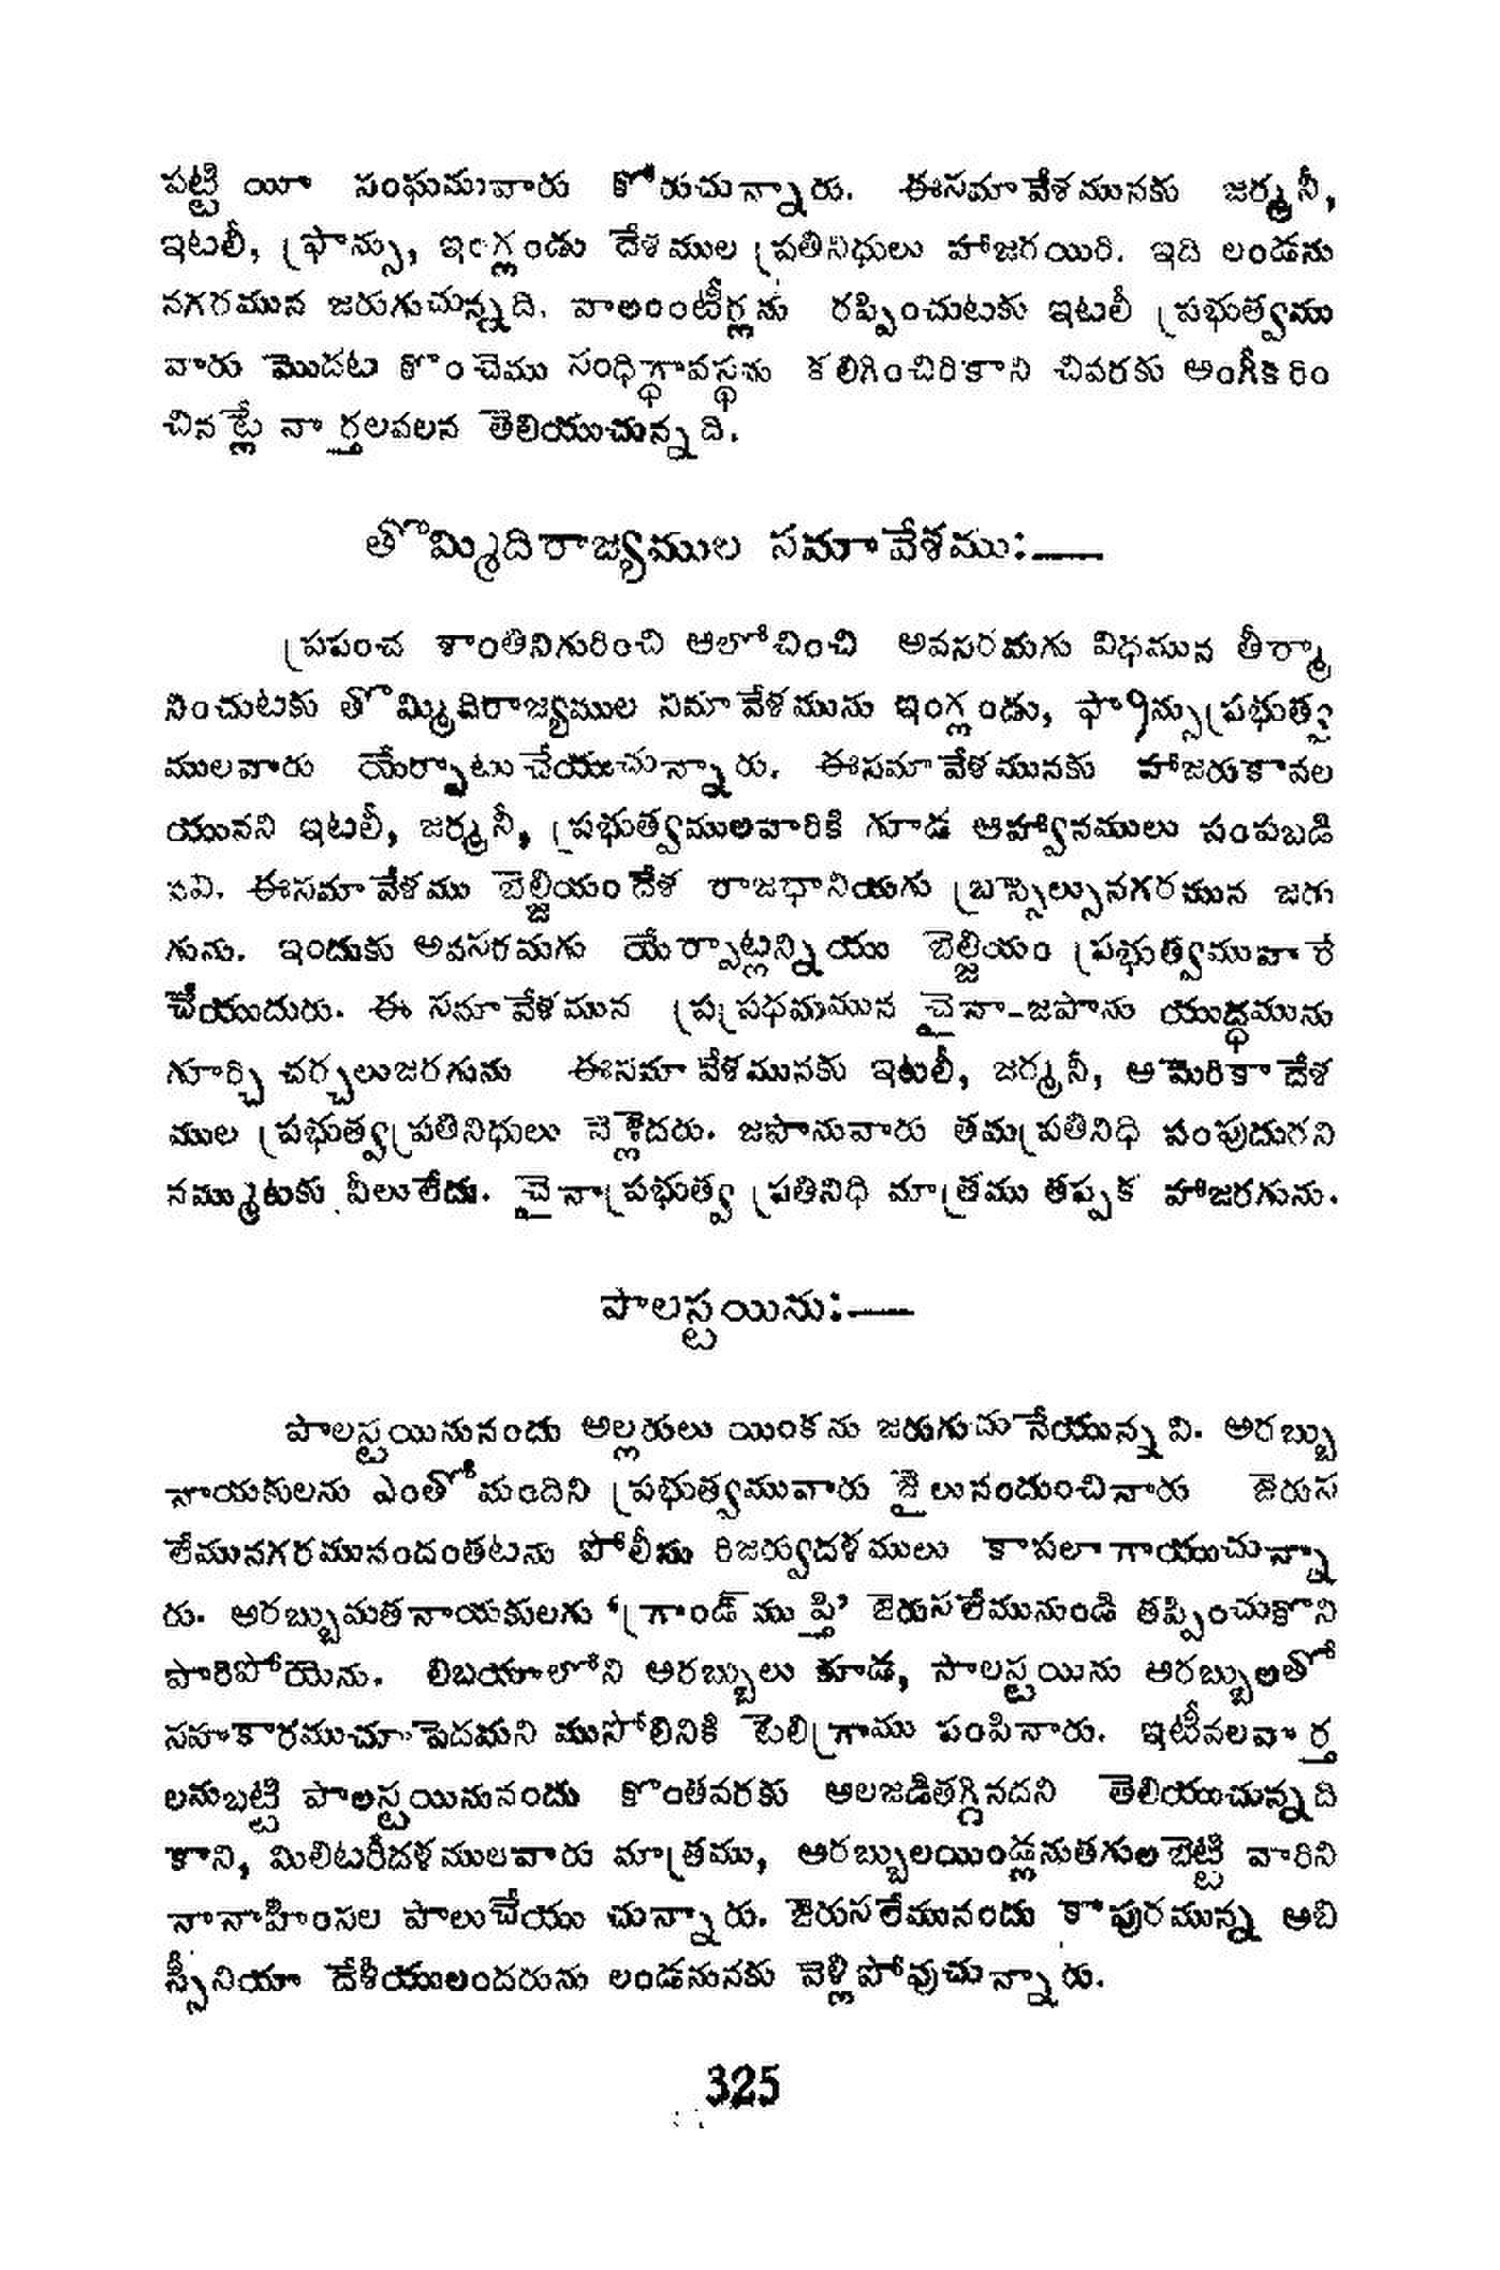పట్టి యీ సంఘమువారు కోరుచున్నారు. ఈసమావేశమునకు జర్మనీ, ఇటలీ, ఫ్రాన్సు, ఇంగ్లండు దేశముల ప్రతినిధులు హాజరయిరి. ఇది లండను నగరమున జరుగుచున్నది. వాలంటీర్లను రప్పించుటకు ఇటలీ ప్రభుత్వమువారు మొదట కొంచెము సంధిగ్ధావస్థను కలిగించిరికాని చివరకు అంగీకరించినట్లే వార్తలవలన తెలియుచున్నది.
 తొమ్మిదిరాజ్యముల సమావేశము:-
 ప్రపంచ శాంతినిగురించి ఆలోచించి అవసరమగు విధమున తీర్మానించుటకు తొమ్మిదిరాజ్యముల సమావేశమును ఇంగ్లండు, ఫ్రాన్సుప్రభుత్వములవారు యేర్పాటుచేయుచున్నారు. ఈసమావేశమునకు హాజరుకావలయునని ఇటలీ, జర్మనీ, ప్రభుత్వములవారికి గూడ ఆహ్వానములు పంపబడినవి. ఈసమావేశము బెల్జియం దేశ రాజధానియగు బ్రస్సెల్సునగరమున జరుగును. ఇందుకు అవసరమగు యేర్పాట్లన్నియు బెల్జియం ప్రభుత్వమువారే చేయుదురు. ఈ సమావేశమున ప్రప్రధమమున చైనా-జపాను యుద్ధమును గూర్చి చర్చలుజరుగును. ఈసమావేశమునకు ఇటలీ, జర్మనీ, అమెరికదేశముల ప్రభుత్వ ప్రతినిధులు వెళ్లెదరు. జపానువారు తమప్రతినిధి పంపుదురని నమ్ముటకు వీలులేదు. చైనాప్రభుత్వ ప్రతినిధి మాత్రము తప్పక హాజరగును.
 పాలస్టయిను:-
 పాలస్టయినునందు అల్లరులు యింకను జరుగుచునేయున్నవి. ఆరబ్బు నాయకులను ఎంతో మందిని ప్రభుత్వమువారు జైలునందుంచినారు. జెరూసలేమునగరమునందంటను పోలీసు రిజర్వుదళములు కాపలాగాయు చున్నారు. అరబ్బుమతనాయకులకు 'గ్రాండ్ ముస్తి ' జెరుసలేమునుండి తప్పించుకొని పారిపోయెను. లిబయాలోని అరబ్బులు కూడ, పాలస్టయిను ఆరబ్బులతో సహకారముచూపెదమని ముసోలినికి టెలిగ్రాము పంపినారు. ఇటీవలవార్తలనుబట్టి పాలస్టయునునందు కొంతవరకు అలజడితగ్గినదని తెలియుచున్నది. కాని, మిలిటరీదళములవారు మాత్రము, అరబ్బుల యిండ్లను తగులబెట్టి వారిని నానాహింసల పాలుచేయుచున్నారు. జెరుసలేమునందు కాపురమున్న అబిస్సీనియా దేశీయులందరును లండను నకు వెళ్లిపోవుచున్నారు.